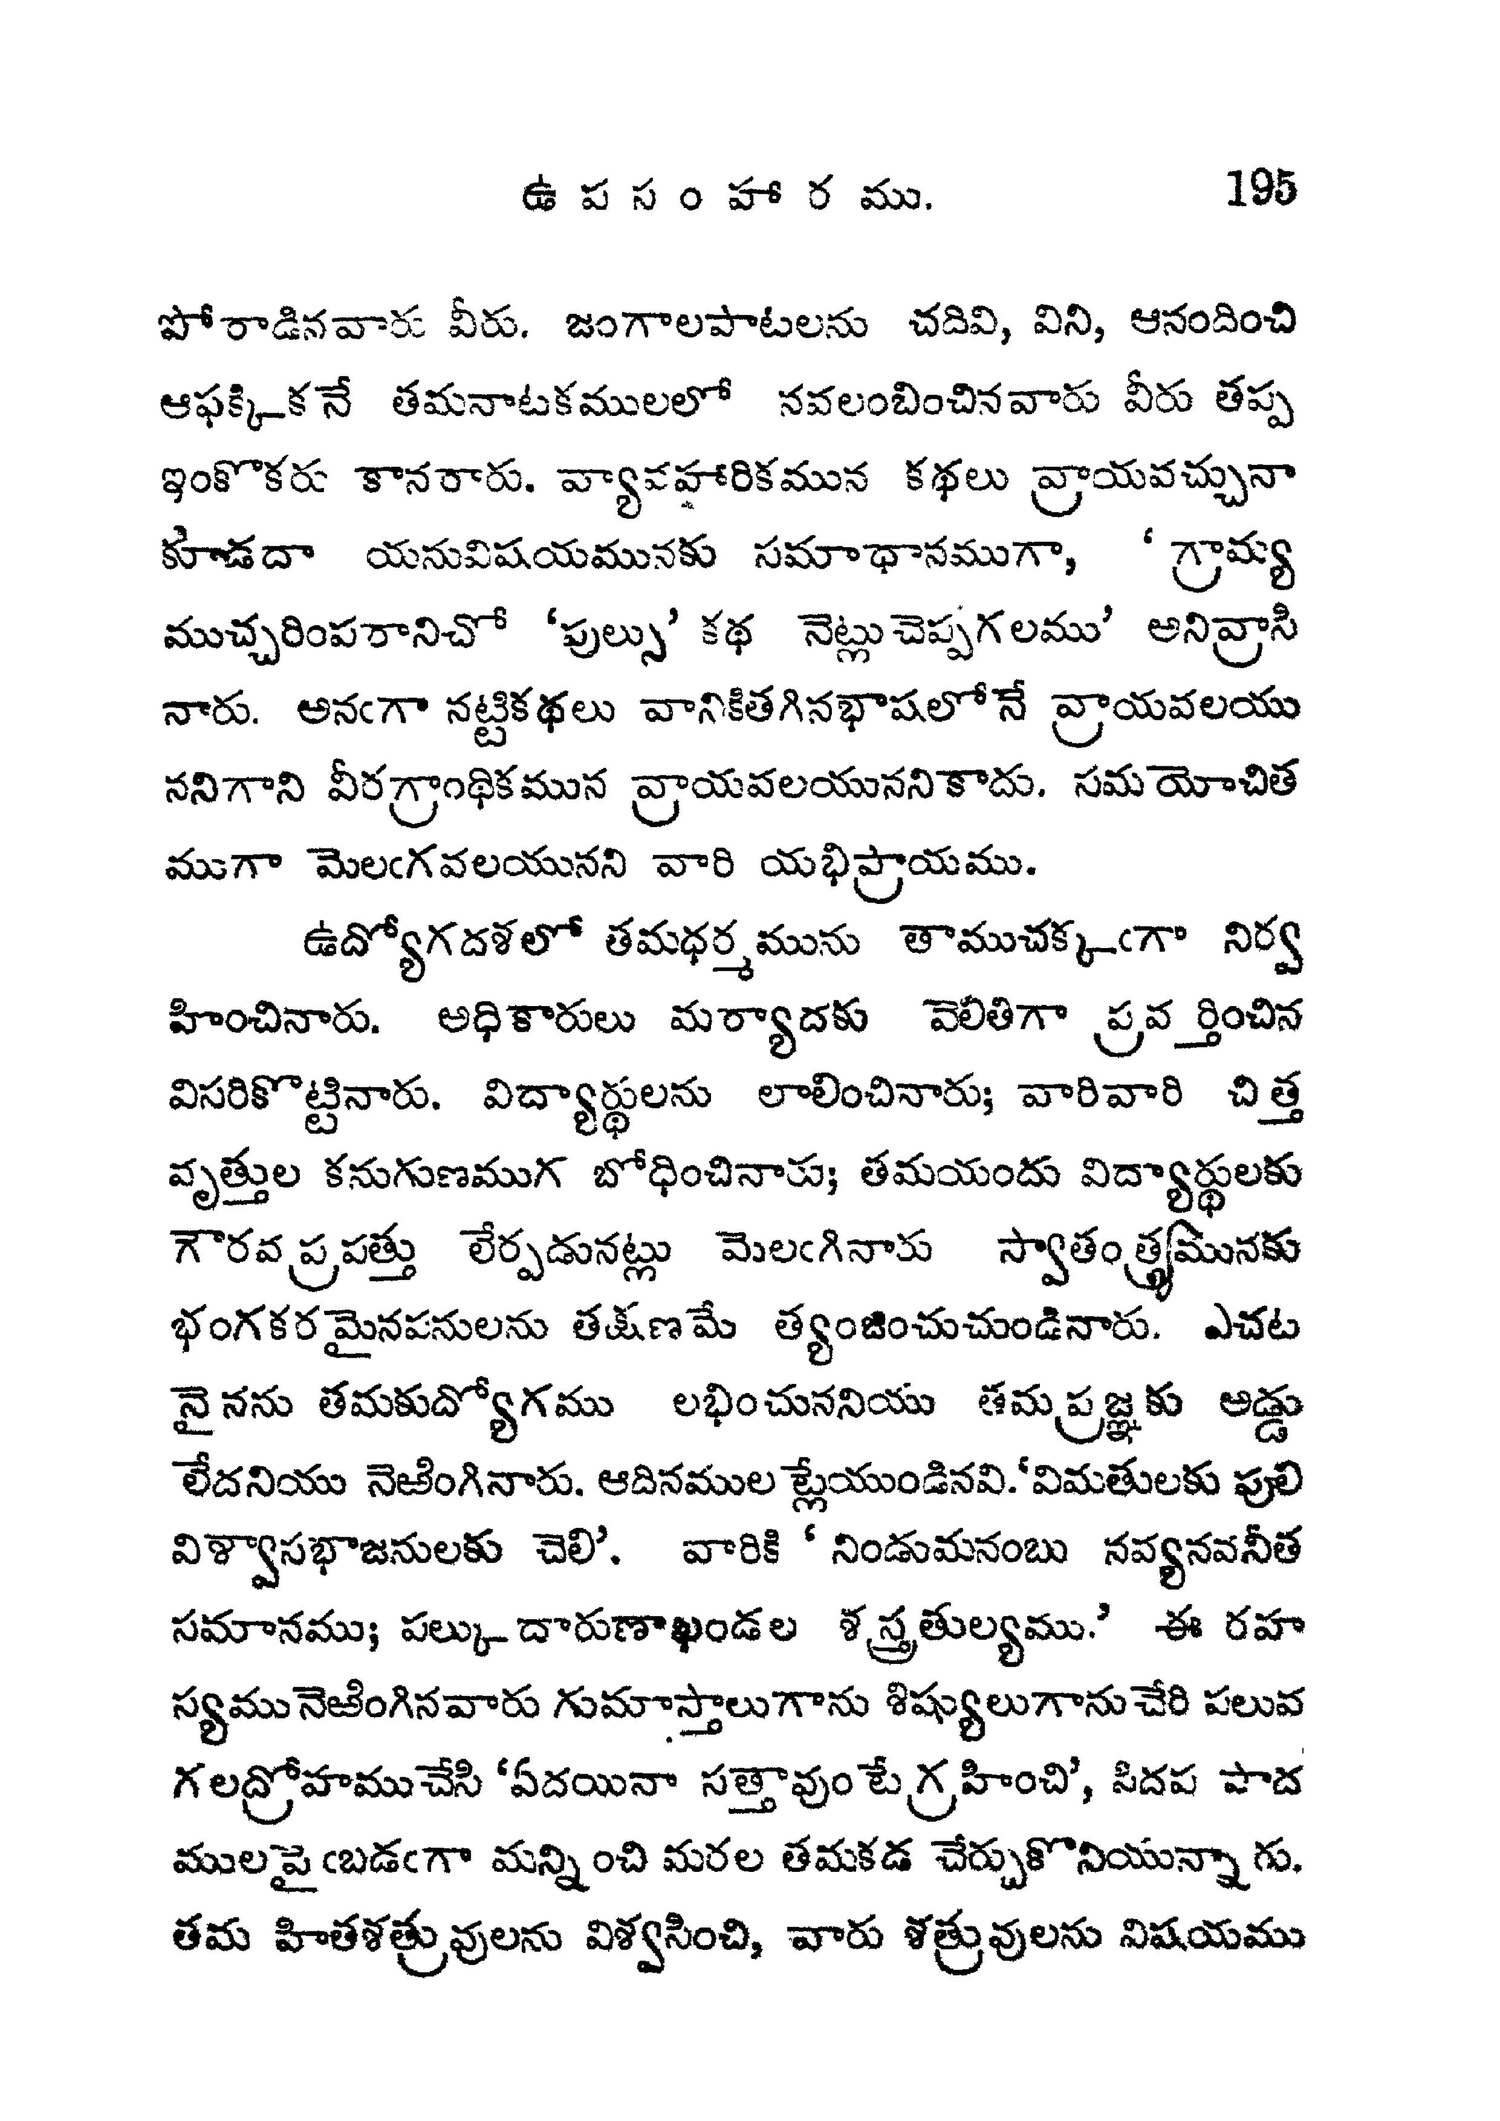పోరాడినవారు వీరు. జంగాలపాటలను చదివి, విని, ఆనందించి ఆఫక్కికనే తమనాటకములలో నవలంబించినవారు వీరు తప్ప ఇంకొకరు కానరారు. వ్యావహారికమున కథలు వ్రాయవచ్చునా కూడదా యనువిషయమునకు సమాధానముగా, 'గ్రామ్య ముచ్చరింపరానిచో 'పుల్సు' కథ నెట్లుచెప్పగలము' అనివ్రాసినారు. అనగా నట్టికథలు వానికి తగినభాషలోనే వ్రాయవలయునని గాని వీరగ్రాంథికమున వ్రాయవలయునని కాదు. సమయోచితముగా మెలగవలయునని వారి యభిప్రాయము.

ఉద్యోగదశలో తమధర్మమును తాముచక్కగా నిర్వహించినారు. అధికారులు మర్యాదకు వెలితిగా ప్రవర్తించిన విసిరికొట్టినారు. విద్యార్థులను లాలించినారు; వారివారి చిత్తవృత్తుల కనుగుణముగ బోధించినారు; తమయందు విద్యార్థులకు గౌరవప్రపత్తు లేర్పడునట్లు మెలగినారు స్వాతంత్ర్యమునకు భంగకరమైనపనులను తక్షణమే త్యంజించుచుండినారు. ఎచటనైనను తమకుద్యోగము లభించుననియు తమప్రజ్ఞకు అడ్డులేదనియు నెఱింగినారు. ఆదినములట్లేయుండినవి. 'విమతులకు పులి విశ్వాసభాజనులకు చెలి'. వారికి 'నిండుమనంబు నవ్యనవనీత సమానము; పల్కుదారుణాఖండల శస్త్రతుల్యము.' ఈ రహస్యము నెఱింగినవారు గుమాస్తాలుగాను శిష్యులుగానుచేరి పలువ గలద్రోహముచేసి 'ఏదయినా సత్తావుంటేగ్రహించి', పిదప పాదములపైబడగా మన్నించి మరల తమకడ చేర్చుకొనియున్నారు. తమ హితశత్రువులను విశ్వసించి, వారు శత్రువులను విషయము